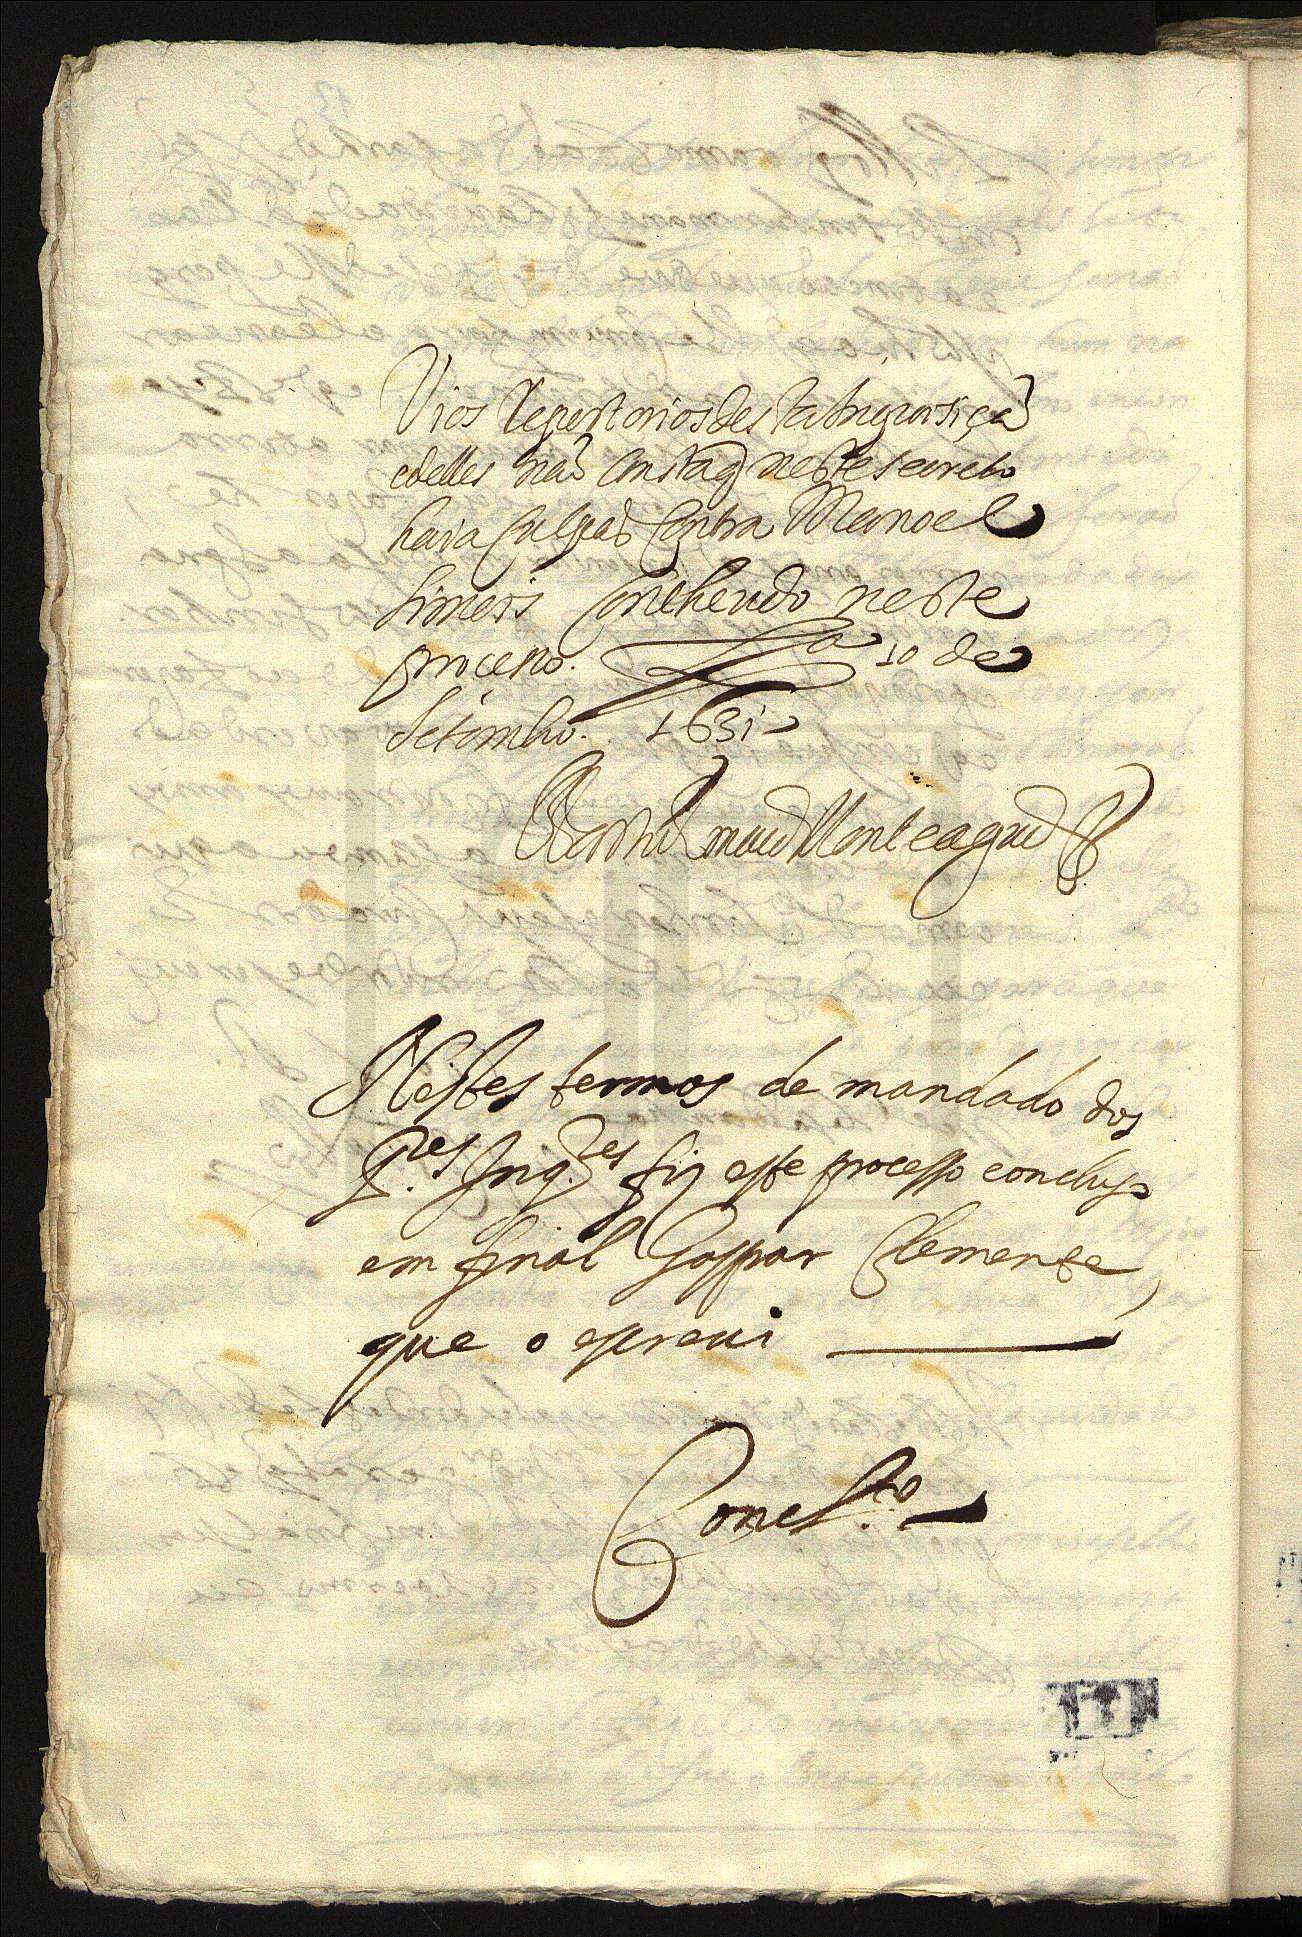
Vi os Reportorios desta Inquisiçaõ
e delles naõ consta q̄ neste secreto
haia Culpas Contra Manoel
Simois Contheudo neste
processo. LXa 10 de
Setembro. 163i -
Nestes termos de mandado dos
s.res Jnq.res fiz este processo concluso
em final Gaspar Clemente
que o escreui
Concl.o
